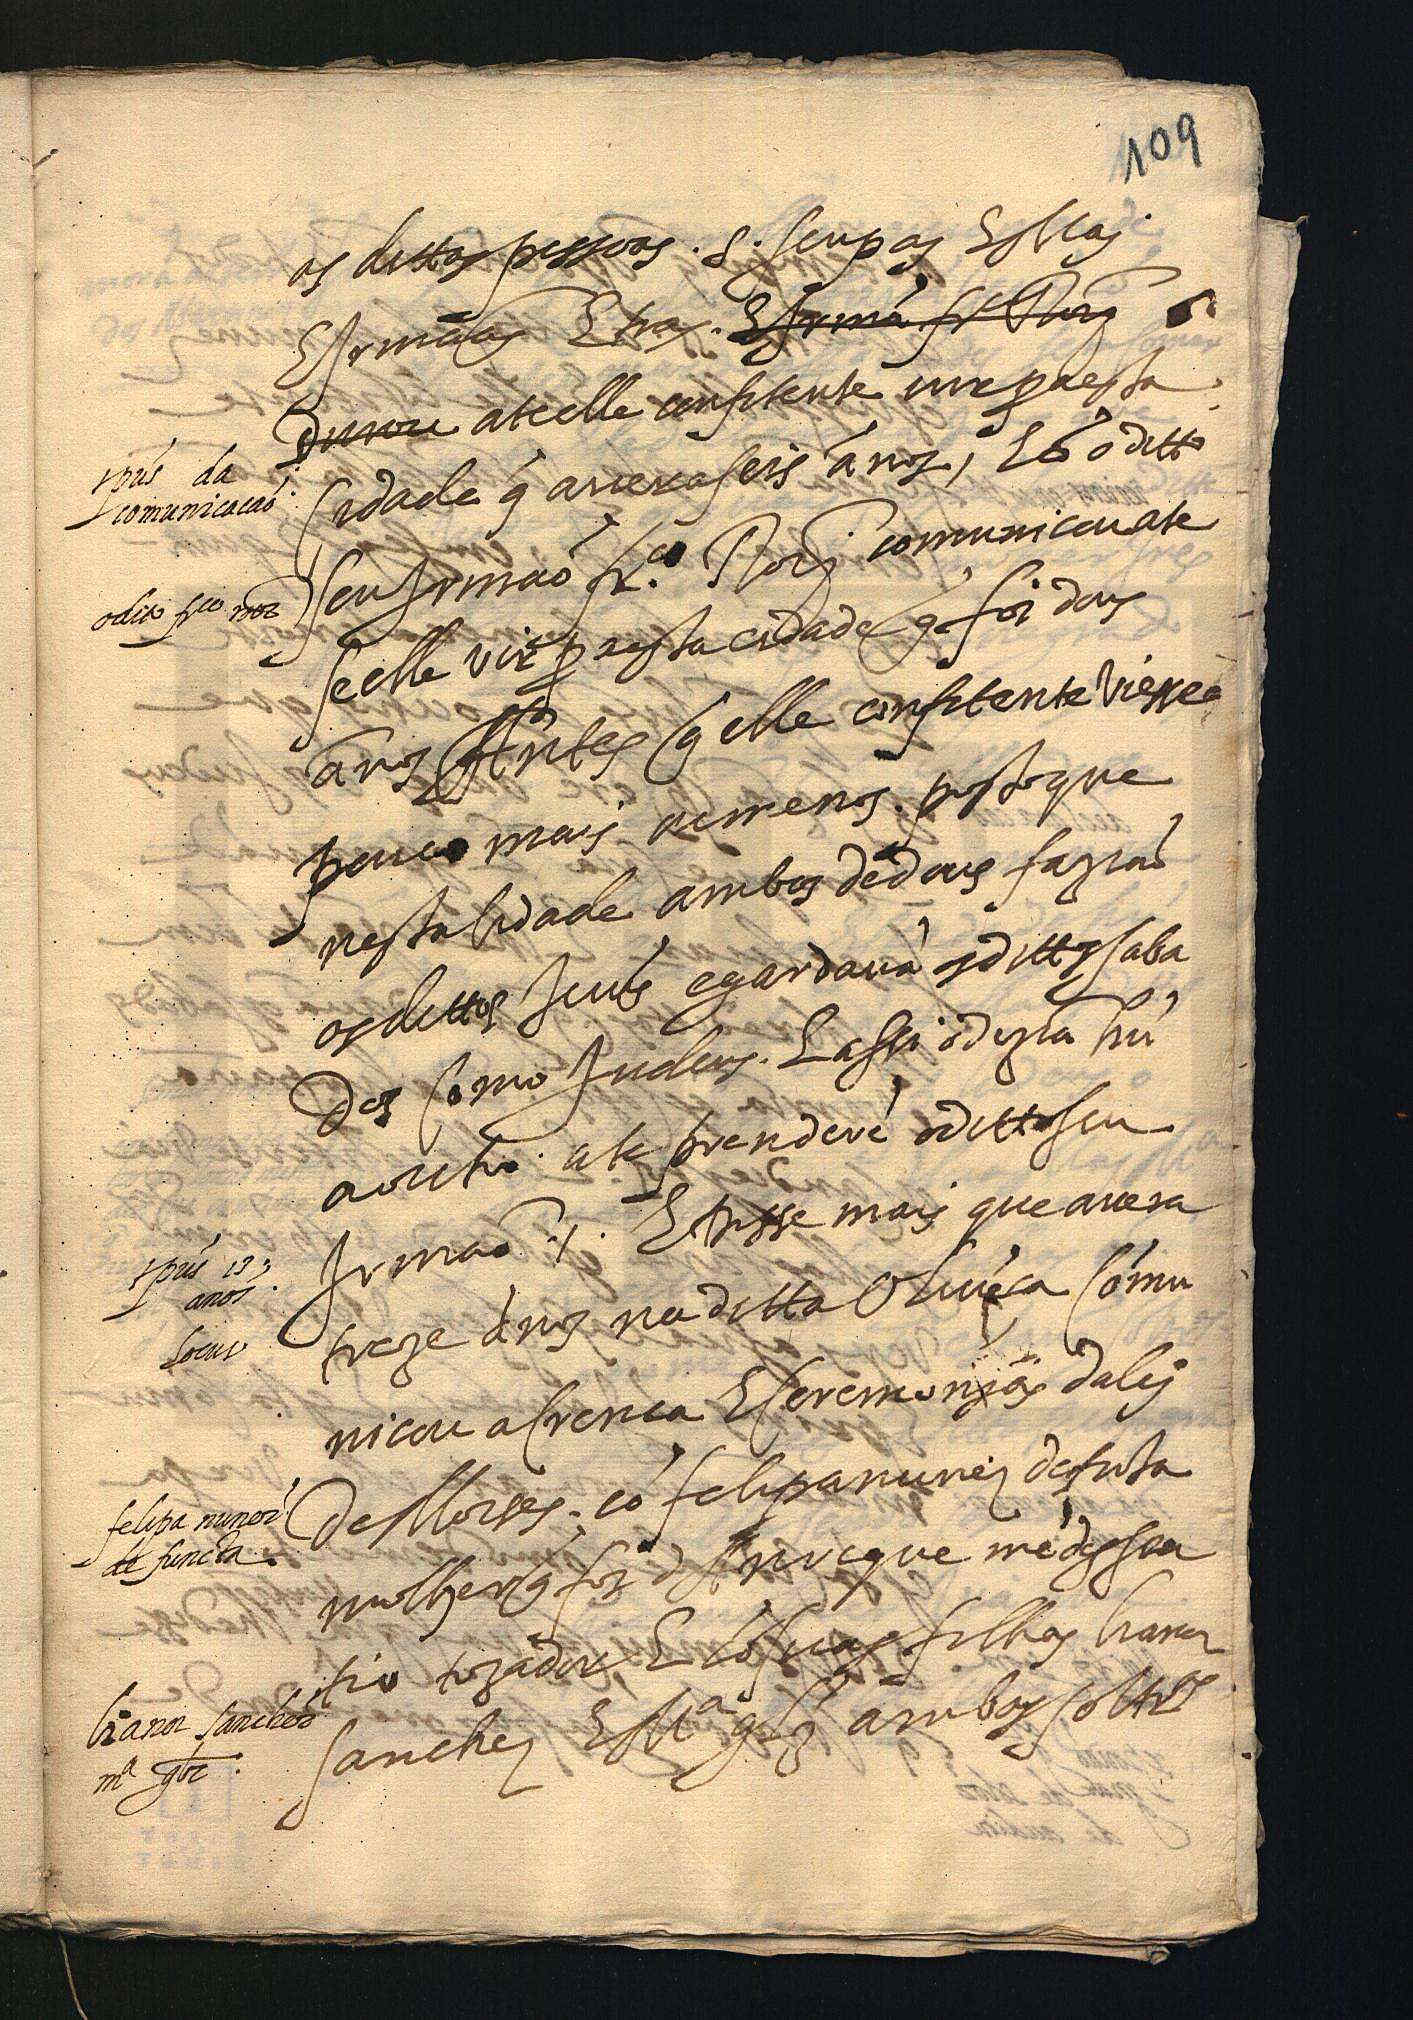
as dittas pessoas .s. seu paj E Maj
E Jrmaãs E tias E Jrmā frco Roiz̄
Durou ate elle confitente uir ꝑa esta
Cidade q̄ auera seis ānos, E cō o ditto
tpus̄ da
comunicaçaõ
seu Jrmão fr.co Roiz̄ comunicou ate
o dito frco roiz̄
se elle vir ꝑa esta cidade q̄ foi dous
an̄os Antes q̄ elle confitente viesse
pouco mais ou menos posto que
nesta Cidade ambos de dous faziaõ
os dittos Jeiūs e gardauā os dittos saba
dos Como Judeus. E assi o deziā hū
a outro ate prenderē o ditto seu
Jrmaõ ./. E Disse mais que auera
tpus̄ 13;
anos
treze ānos na ditta Oliuēça Com̄u
locus
nicou a Crença E Ceremonias da lej
de Moises cō felipa nunez defūta
felipa nunez
defuncta
molher q̄ foi dAnrique mēdes seu
lianor sanchez
tio tozador E cō suas filhas Lianor
Sanchez E Ma glz̄ ambas soltras
ma gl̄z
